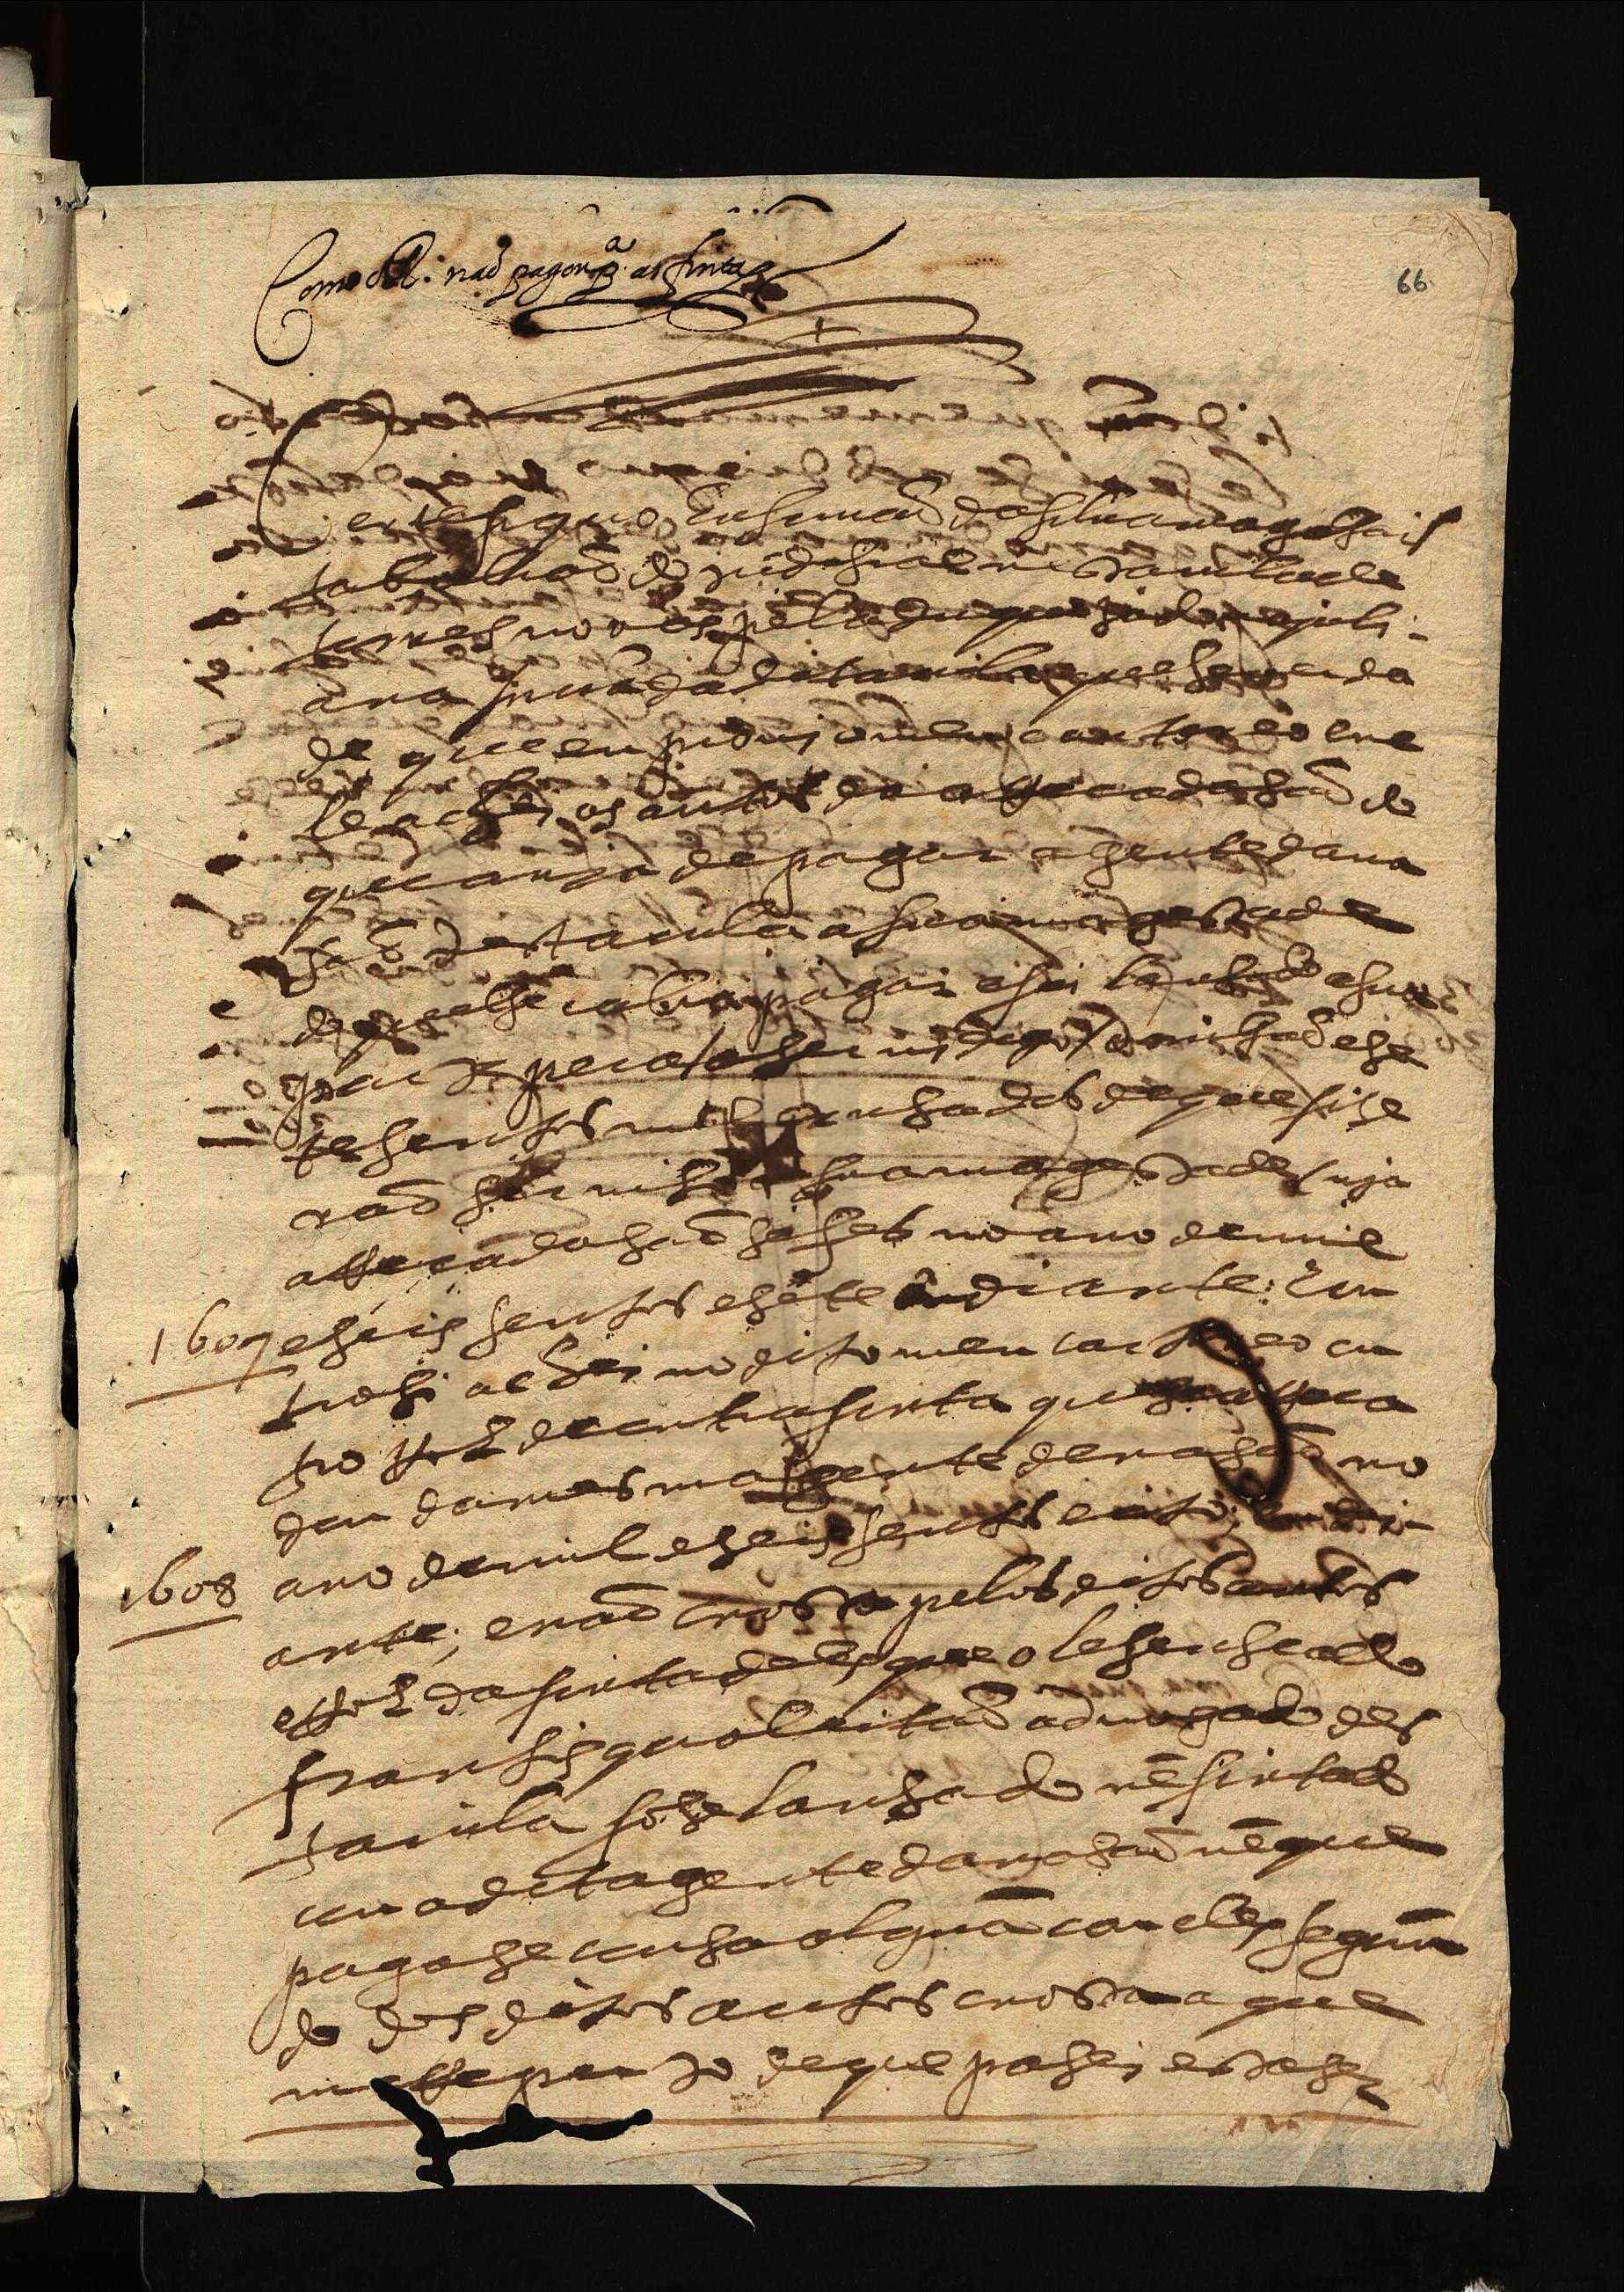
Como o R. naõ pagou ꝑ.a as fintas
Certefiquo Eu simaõ da silua magalhais
tabaliaõ do judisial nesta uila de
torres nouas pela duqueza dona juli
ana Snorā da dita uila que he uerda
de que eu proui o meu cartoreo e ne
le achei os autos da aRecadasaõ do
que auja de pagar a gente da na
saõ desta uila a sua magestade
do que lhe cabia pagar e foi lansado a sua
parte pera / o serui digo / o milhaõ e se
tesentos mil crusados de que fzse
raõ seruiso a sua magestade cuja
aRecadasaõ se fes no ano de mil
1607
e seissentos e sete ē diante: E ou
trosi achei no dito meu cartoreo ou
tro Rol de outra finta que se aReca
dou da mesma gente de nasaõ no
ano de mil e seissentos e oito em di
1608
ante; e naõ consta pelos ditos autos
o Rol da finta deles que o lesenseado
fransisquo leitaõ aduogado des
ta uila fose lansado nē fintado
com a dita gente da nasaõ nē que
pagase cousa alguā con eles segun
do dos ditos autos consta a que
me Reporto de que pasei esta ser
